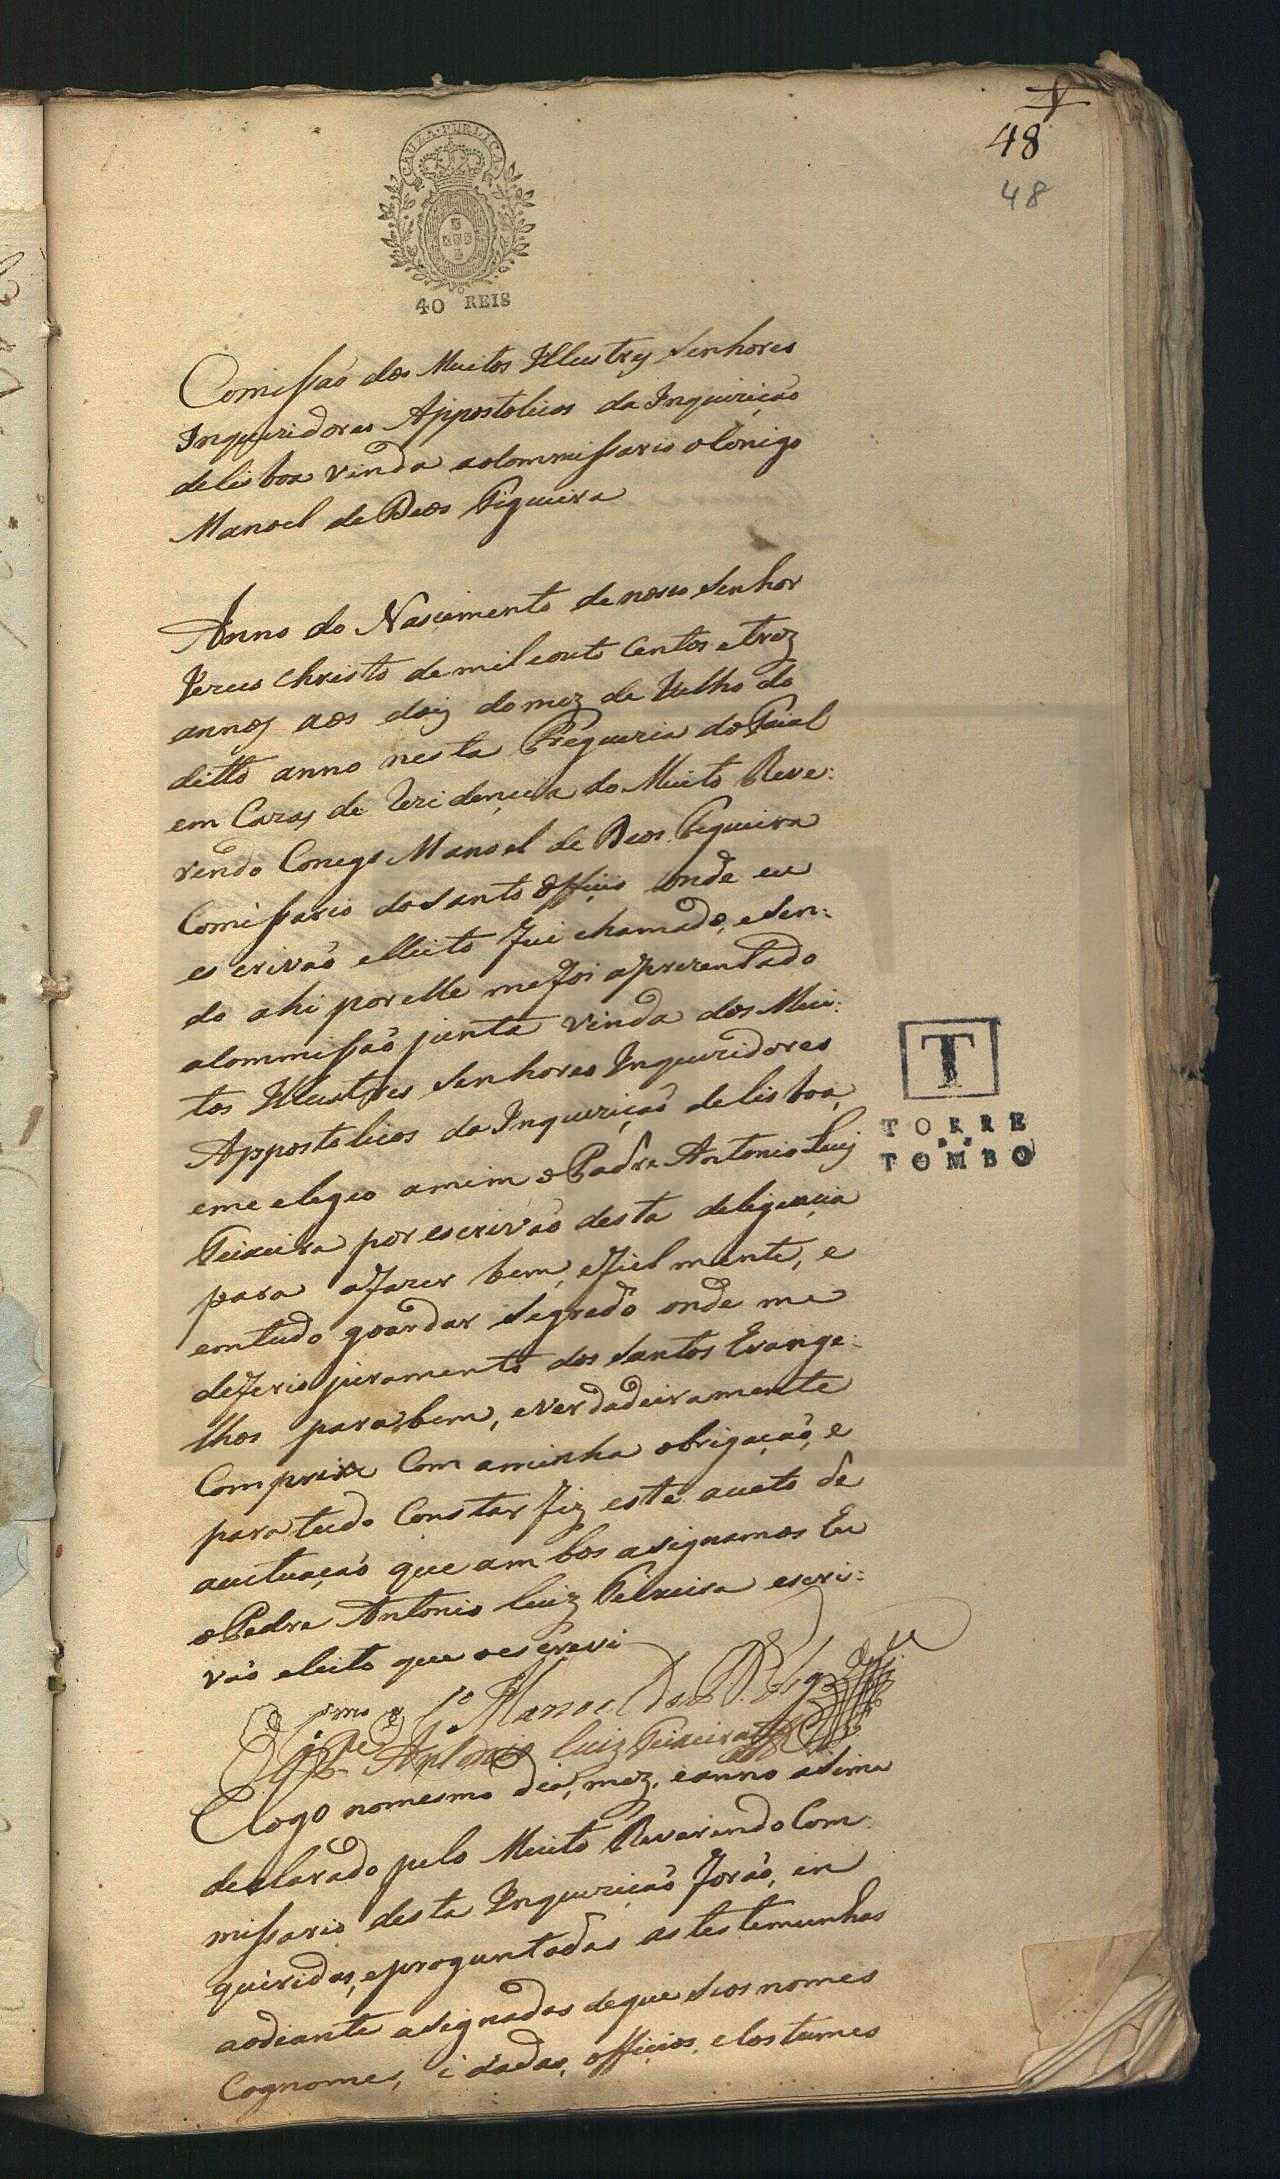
Comissaõ dos Muitos Illustres Senhores
Inquizidores Appostolicos da Inquiziçaõ
de lisboa vinda ao Commissario o Conigo
Manoel de Deos Figueira
Anno do Nasçimento de nosso Senhor
Iezus Christo de mil e outoCentos e trez
annos aos dois do mez de Iulho do
ditto anno nesta Freguezia do Faial
em Cazas de Rezidençia do Muito Reve
rendo Conego Manoel de Deos Figueira
Comissario do santo Offiçio onde eu
escrivaõ elleito fui chamado, e sen
do ahi por elle me foi aprezentado
a commissaõ junta vinda dos Mui
tos Illustres Senhores Inquizidores
Appostolicos da Inquiziçaõ de lisboa,
e me elegeo a mim o Padre Antonio Luis
Teixeira por escrivaõ desta deligençia
para a fazer bem, e fielmente, e
em tudo goardar segredo onde me
deferio juramento dos Santos Evange
lhos para bem, e verdadeiramente
Comprir Com a minha obrigaçaõ, e
para tudo Constar fiz este aucto de
auctuaçaõ que ambos asignamos Eu
o Padre Antonio luiz Teixeira escri
vaõ eleito que o escrevi
E logo no mesmo dia, mez, e anno aSima
declarado pelo Muito Reverendo Com
missario desta Inquiziçaõ foraõ, in
quiridas, e proguntadas as testemunhas
ao diante asignadas de que Seos nomes
Cognomes, idades, officios e Costumes
